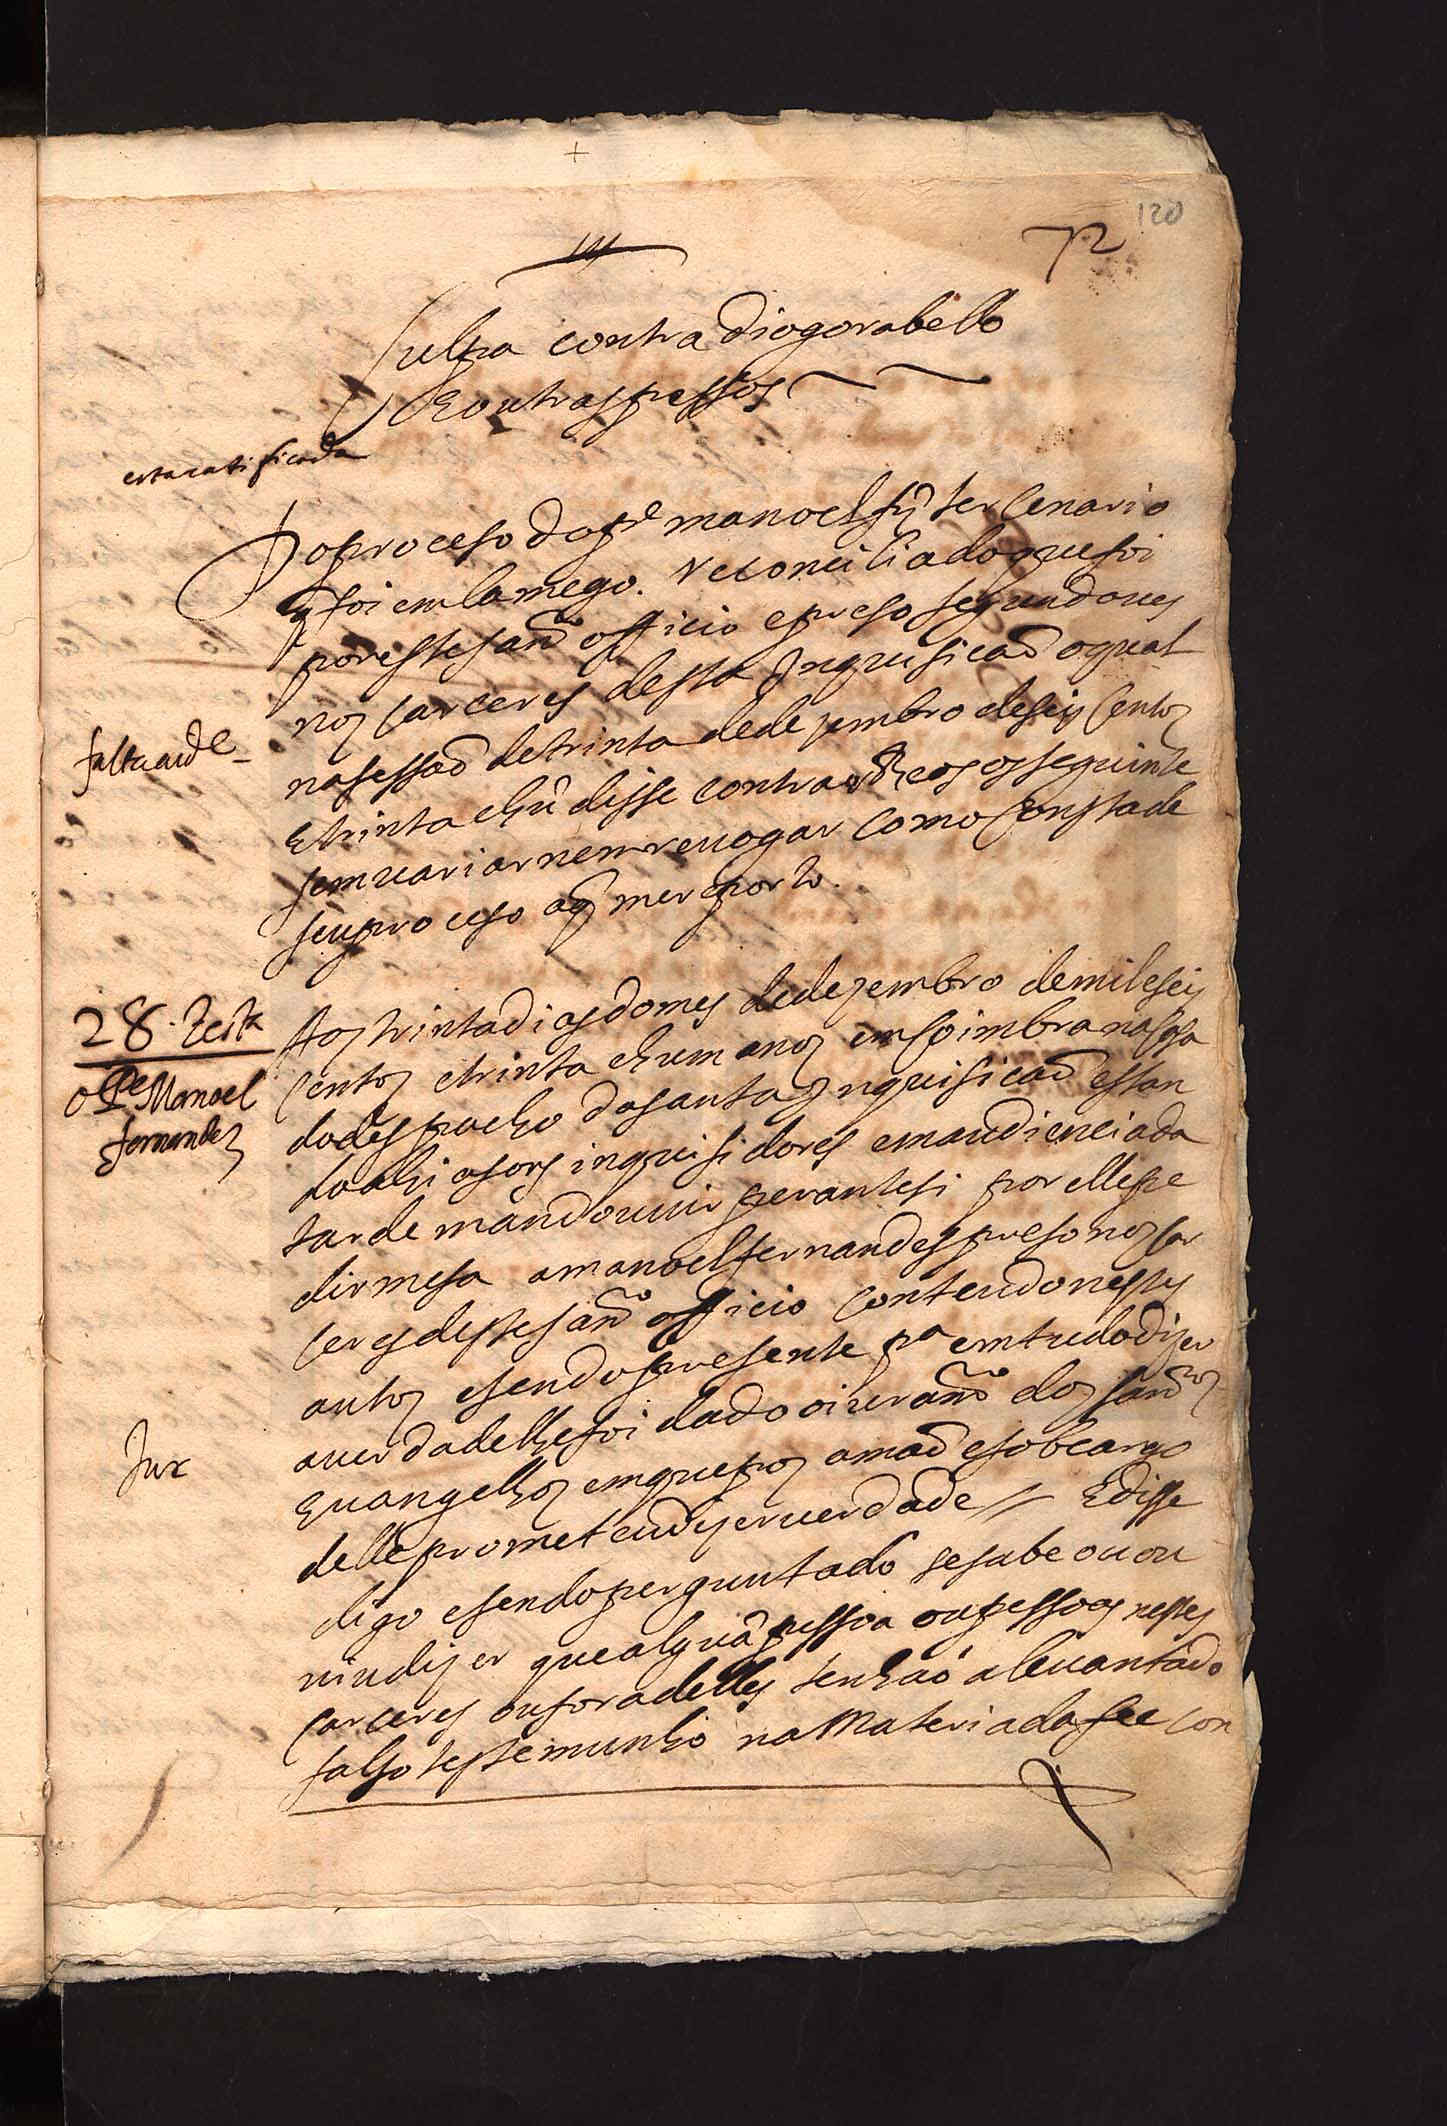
falta a ide
28. testa
O Pe Manoel
fernandez
Jur
Culpa contra diogo rabello
E outras pessos
esta ratificada
Do proceso do pe manoel frz̄ terCenario
q̄ foi em lamego. reconciliado que foi
por esse santo officio e preso segunda ues
nos Carceres dessa Jnquisiçaõ o quaL
na sessaõ de trinta de dezembro de seisCentos
E trinta e hū disse contra os Reos os seguinte
sem uariar nem reuogar como Consta de
seu proceso a q̄ me reporto.
Aos trinta dias do mes de dezembro de mil e seis
Centos e trinta e hum anos em Coimbra na Casa
do despacho da santa Jnquisicaõ estan
do ahi o sors inquisidores em audiencia da
tarde mandou uir perante si por elle pe
dir mesa a manoel fernandes preso nos Car
Ceres deste santo officio Conteudo nestes
autos e sendo presente pa em tudo dizer
a uerdade lhe foi dado o iuramto dos santos
Euangelhos em que pos a mão e sob cargo
delle prometeu dizer uerdade E disse
digo e sendo perguntado se sabe ou ou
uiu dizer que alguā pessoa ou pessoas nestes
Carceres ou fora delles tenhaõ aleuantado
falso testemunho na Materia da fee con
